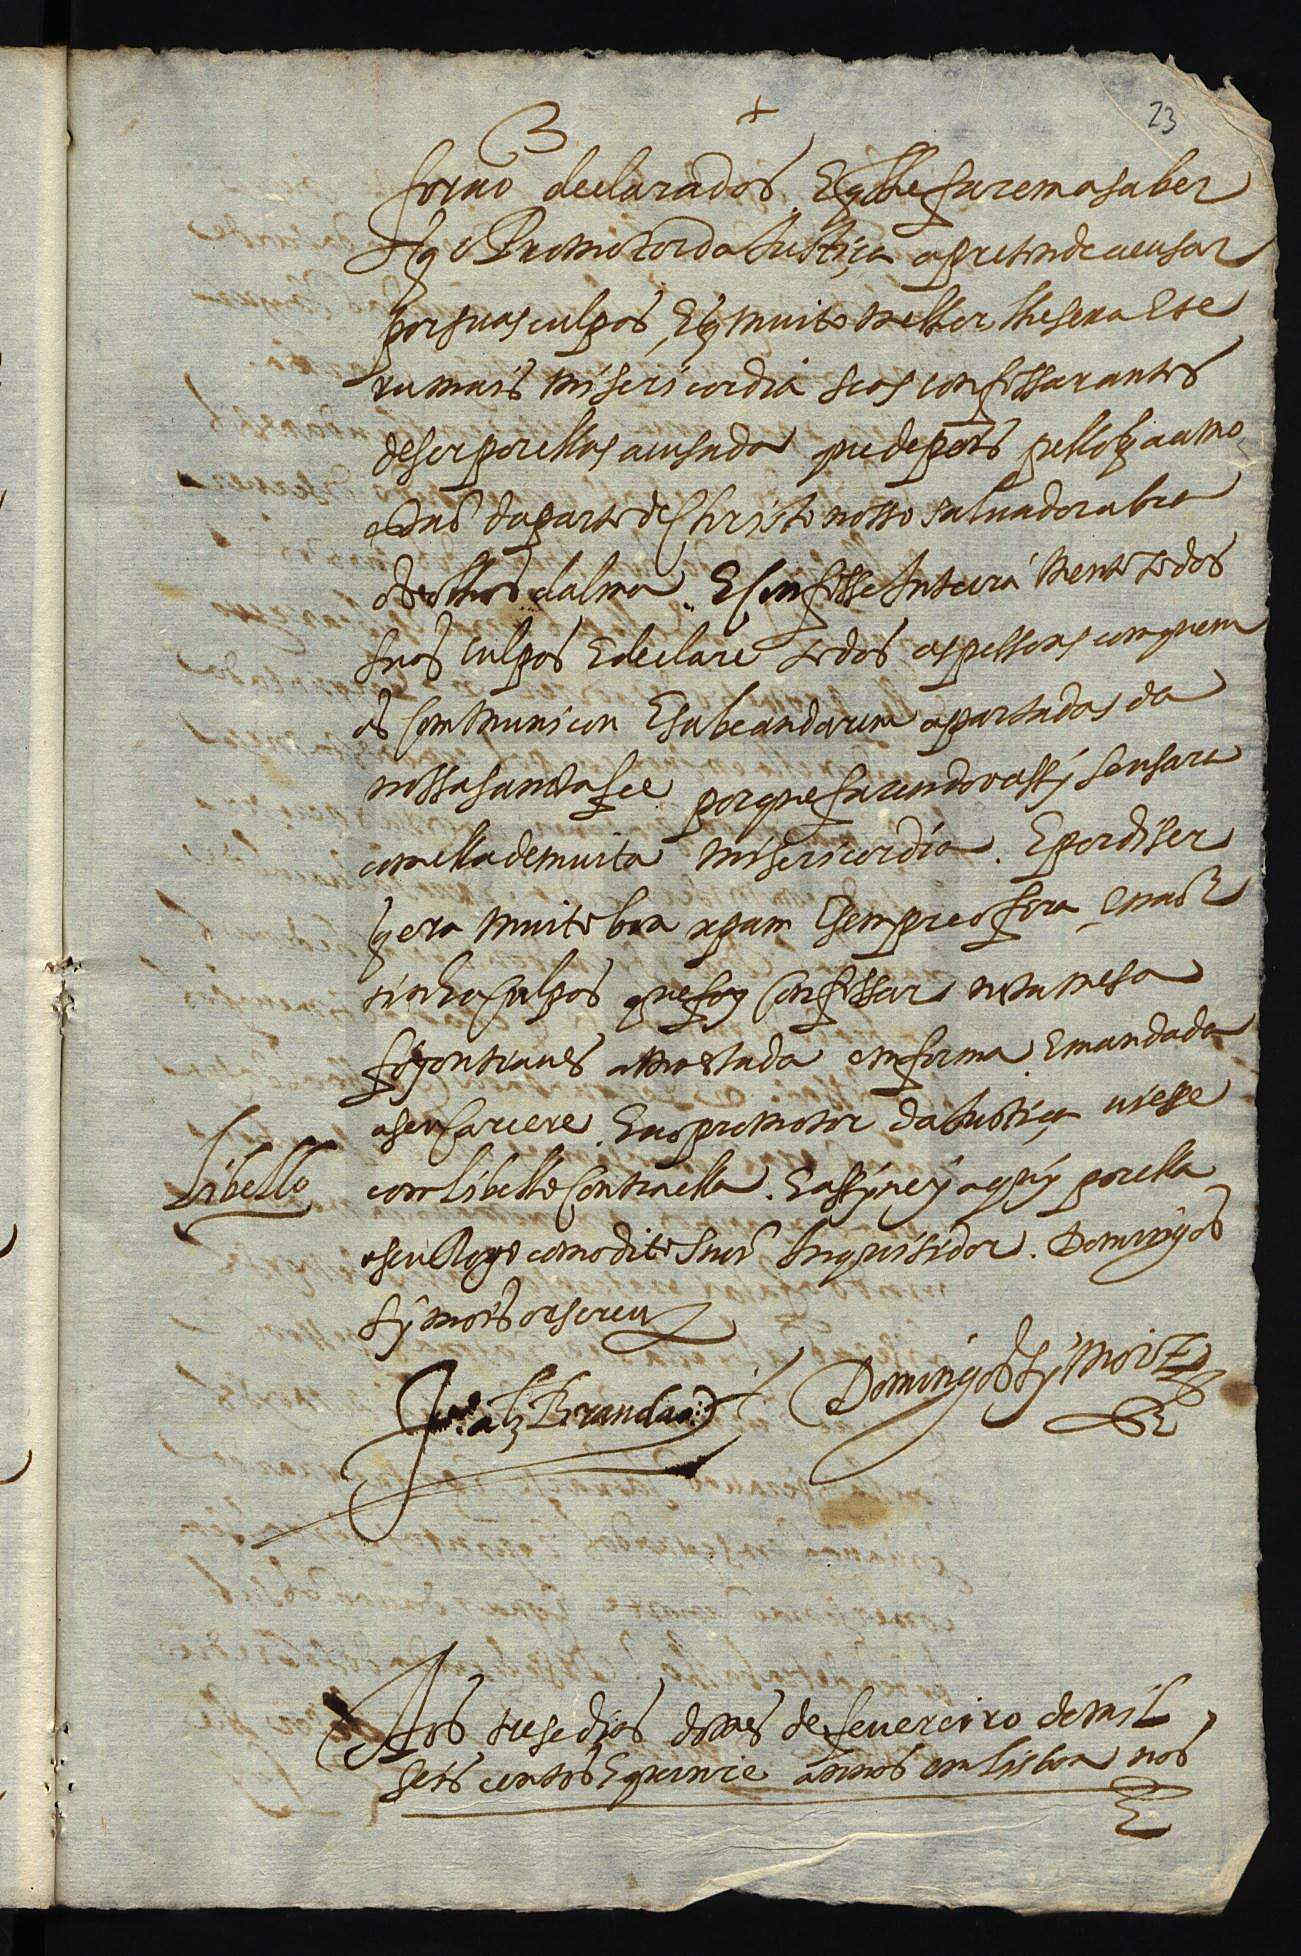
foraõ declarados. E q̄ lhe fazem a saber
q̄ o Promotor da Iustiça a pretende acusar
por suas culpas, E q̄ muito melhor lhe sera E te
ra mais misericordia se as confessar antes
de ser por ellas acusada que depois pello q̄ a amo
estaõ da parte de Christo nosso saluador abra
os olhos dalma. E Confesse Jnteiramente todas
suas culpas E declare todas as pessoas com quem
os Communicou E sabe andarem apartadas da
nossa sancta fee porque fazendoo assy se usara
com ella de muita misericordia. E por diser
q̄ era muito boa xpam E sempre o fora, E naõ
tinha culpas que foy Confessar nesta mesa
foy outra ues amoestada em forma E mandada
a seu Carcere. Eu o promotor da Iustiça uiesse
com Libello Contra ella. E assyney aquy por ella
a seu Rogo com o dito Snor̄ Inquisidor. Domingos
symois o escreuj
Aos trese dias do mes de feuereiro de miL
seiscentos E quinze annos em Lisboa nos
